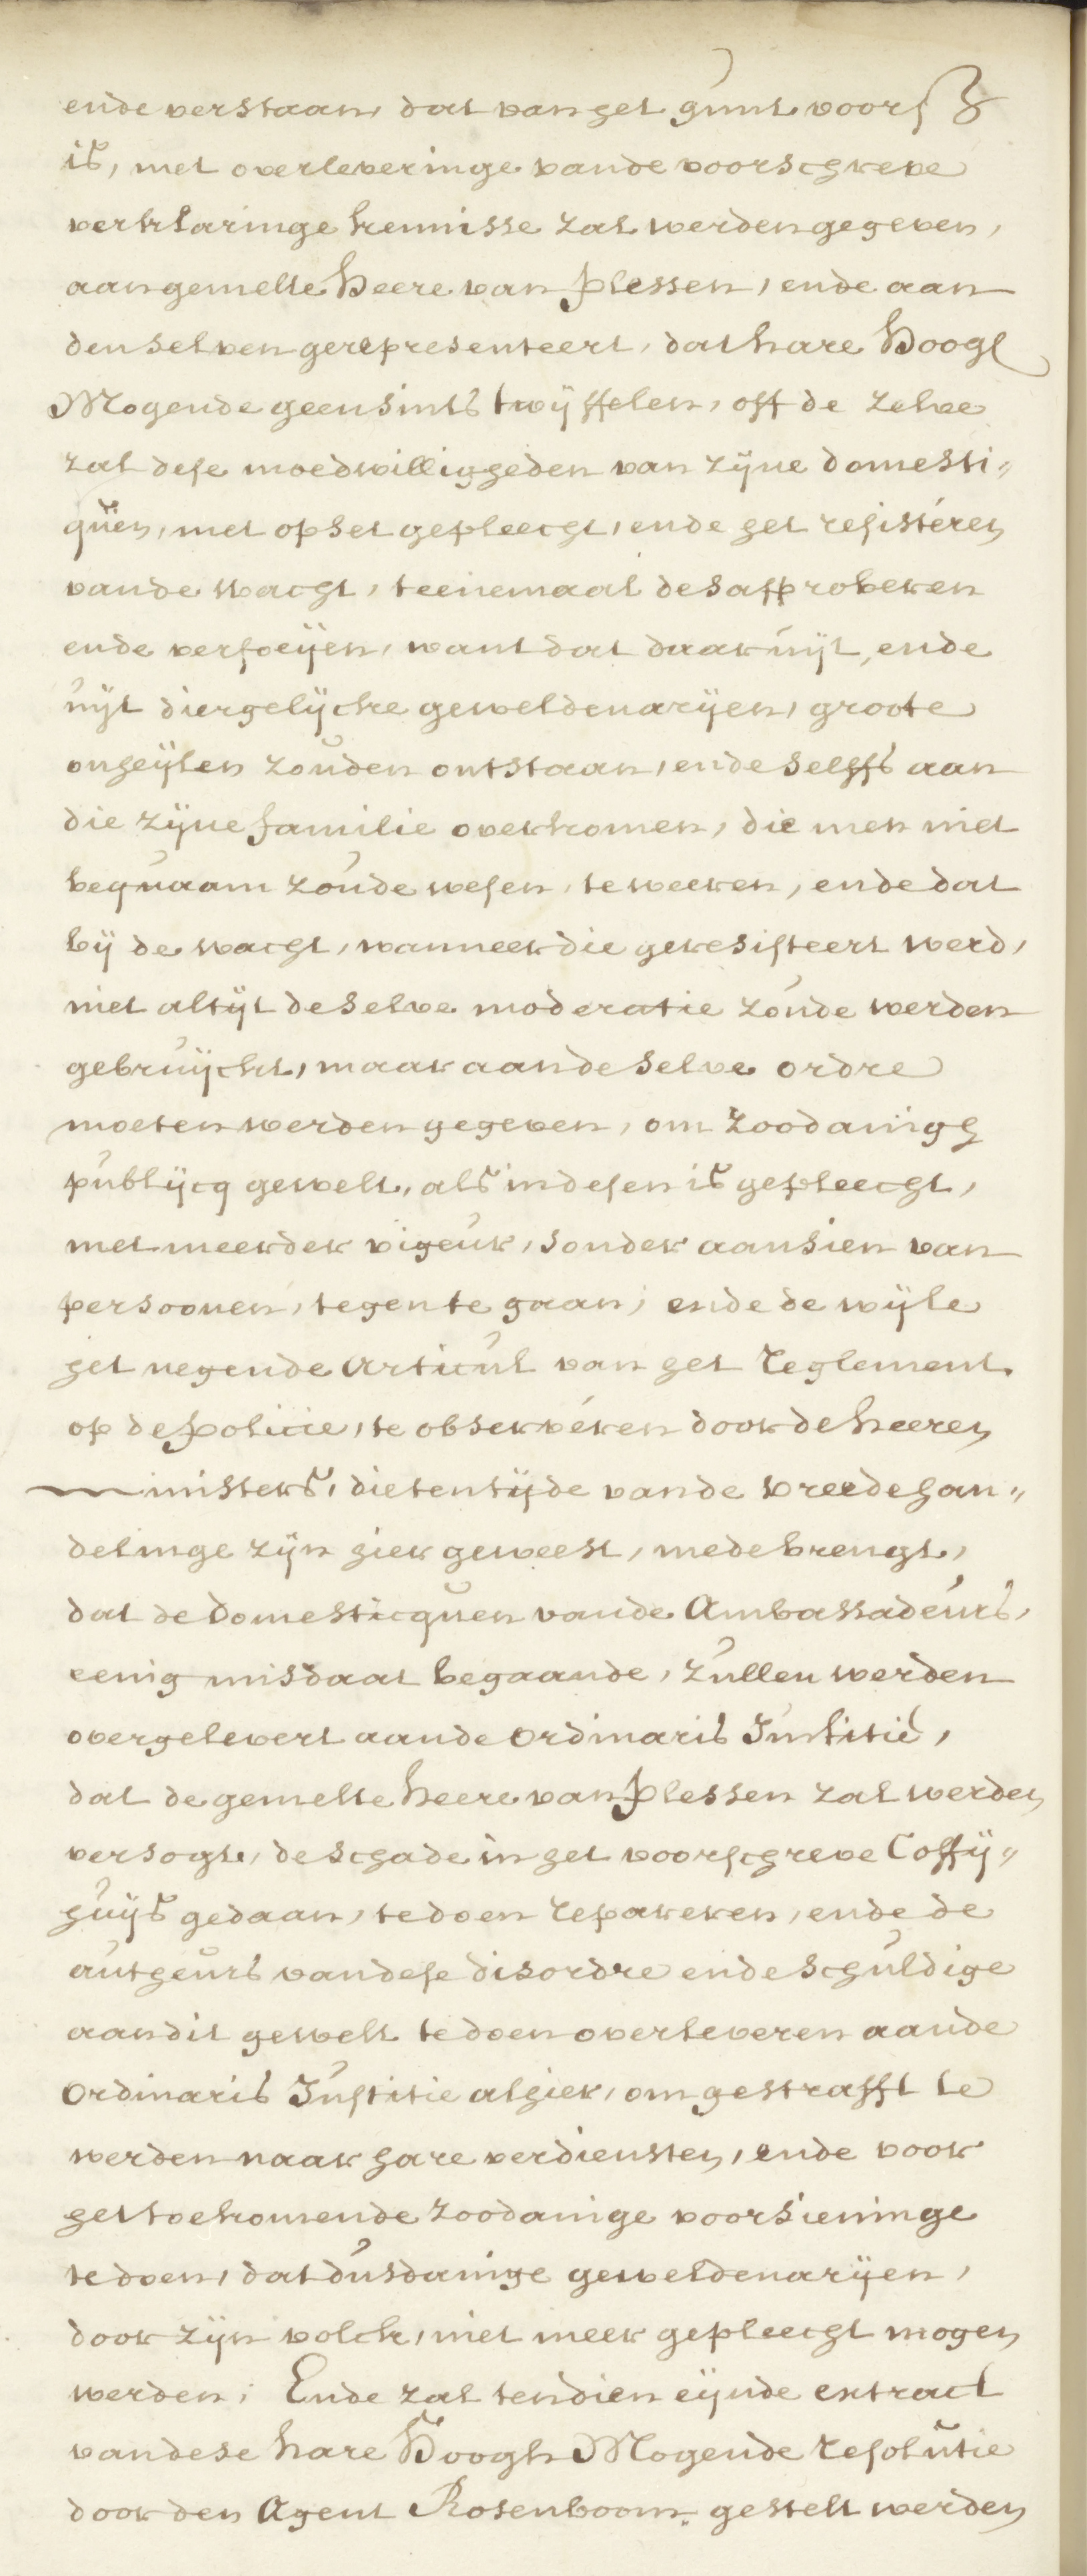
ende verstaan doet van het gunt voorsz
is, met overleveringe vande voorschreve
verklaringe kennisse zal werden gegeven,
aangemelte heere van Plessen, ende aan
denseleven gerepresenteert, dat hare Hoogh
Mogende geensints twijffelen, off de zelve
zal dese moedwilligheden van zijne domesti„
quën, met opset gepleecht, ende het registeren
vande wacht, teenemaal desapproberen
ende verfoeijen, want dat daaruijt, ende
uijt diergelijcke geweldenarijen, groote
onheijlen zouden ontstaan, ende selffs aan
die zijne familie overkomen, die men niet
bequaam zoude wesen, te weeten, ende dat
bij de wacht, wanneer die geresisteert werd,
niet altijt deselve moderatie zoude werden
gebruijckt, maar aan deselve ordre
moeten werden gegeven, om zoodanigh
publijcq gewelt, als indesen is gepleecht,
met meerder vigeur, sonder aansien van
persoonen, tegen te gaan; ende de wijle
het negende articul van het reglement
op de policie, te observeren door de heeren
ministers, dietentijde vande breede han„
delinge zijn hier geweest, medebrengt,
dat de domesticquen vande Ambassadeurs,
eenig misdaat begaande, zullen werden
overgelevert aande ordinaris iustitie,
dat de gemeelte heere van Plessen zal werden
versogt, de schade in het voorschreve coffij„
huijs gedaan, te doen repareren, ende de
autheurs van dese disordre ende schuldige
aan dit gewelt te doen overleveren aande
ordinaris iustitie alhier, om gestrafft te
werden naar hare verdiensten, ende voor
het toekoemende zoodanige voorsieninge
te doen, dat dusdanige geweldenarijen,
door zijn volck, niet meer gepleecht mogen
werden; Ende zal tendien eijnde extract
van dese hare Hoogh Mogende resolutie
door den agent Rosenboom gestelt werden
